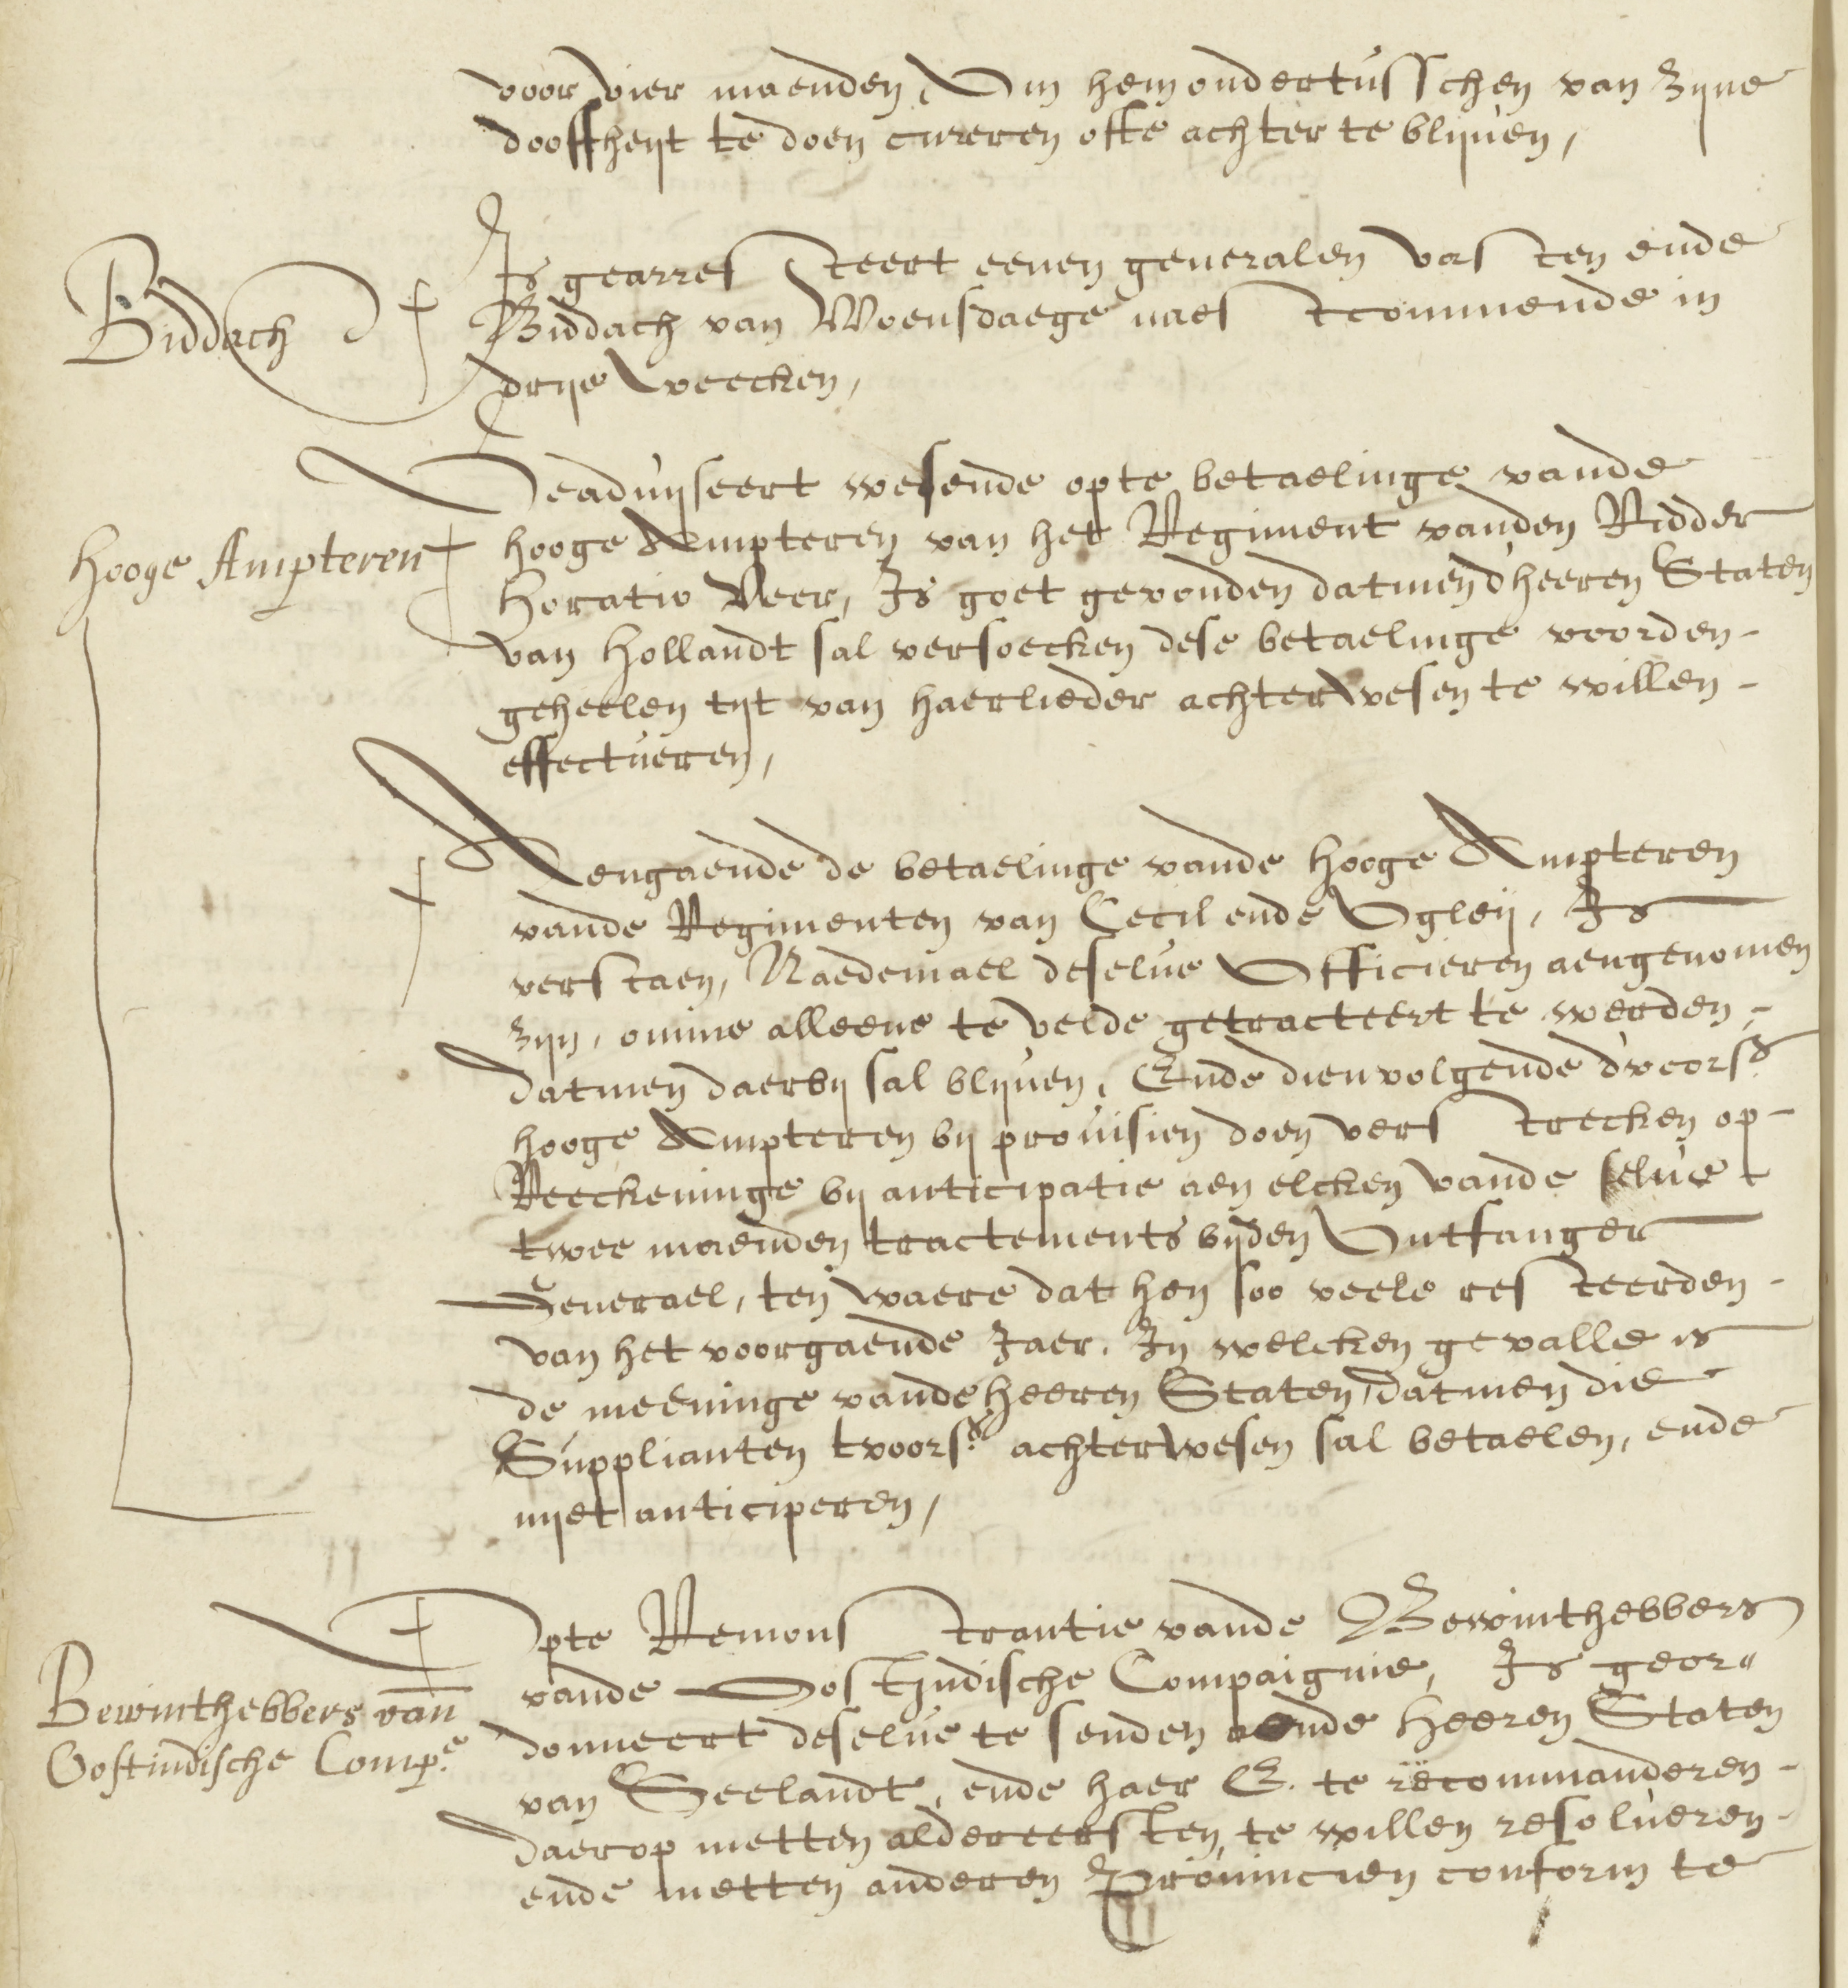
voor vier maenden om hem ondertusschen van zyne
dooffheyt te doen cureren ofte achter te blyuen.
Biddach.
Is gearresteert eenen generalen vasten ende
Biddach van Woensdaege naestcommende in
drye weecken.
Hooge Ampteren
Geaduyseert wesende opte betaelinge vande
hooge Ampteren van het Regiment vanden Ridder
Horatio Veer, Is goet gevonden datmen d'heeren Staten
van Hollandt sal versoecken dese betaelinge voorden
geheelen tyt van haerlieder achterwesen te willen
effectueren.
Aengaende de betaelinge vande hooge Ampteren
vande Regimenten van Cecil ende Ogleij, Is
verstaen, Naedemael deselue Officieren aengenomen
zyn, omme alleene te velde getracteert te werden, -
datmen daerby sal blyuen. Ende dienvolgende d'voors
hooge Ampteren bij prouisien doen verstrecken op
Reeckeninge by anticipatie aen elcken vande selue -
twee maenden tractements byden Ontfanger
Generael, ten waere dat hen soo veele resteerden -
van het voorgaende Jaer, In welcken gevalle is
de meeninge vande heeren Staten, datmen die
Supplianten tvoors. achterwesen sal betaelen, ende
nyet anticiperen.
Bewinthebbers van
Oostindische Compe.
Opte Remonstrantie vande Bewinthebbers
vande Oostindische Compaignie, Is geor„
donneert deselue te senden aende Heeren Staten
van Seelandt ende haer E. te recommanderen -
daerop metten aldereersten te willen resolueren
ende metten anderen Provincien conform te
